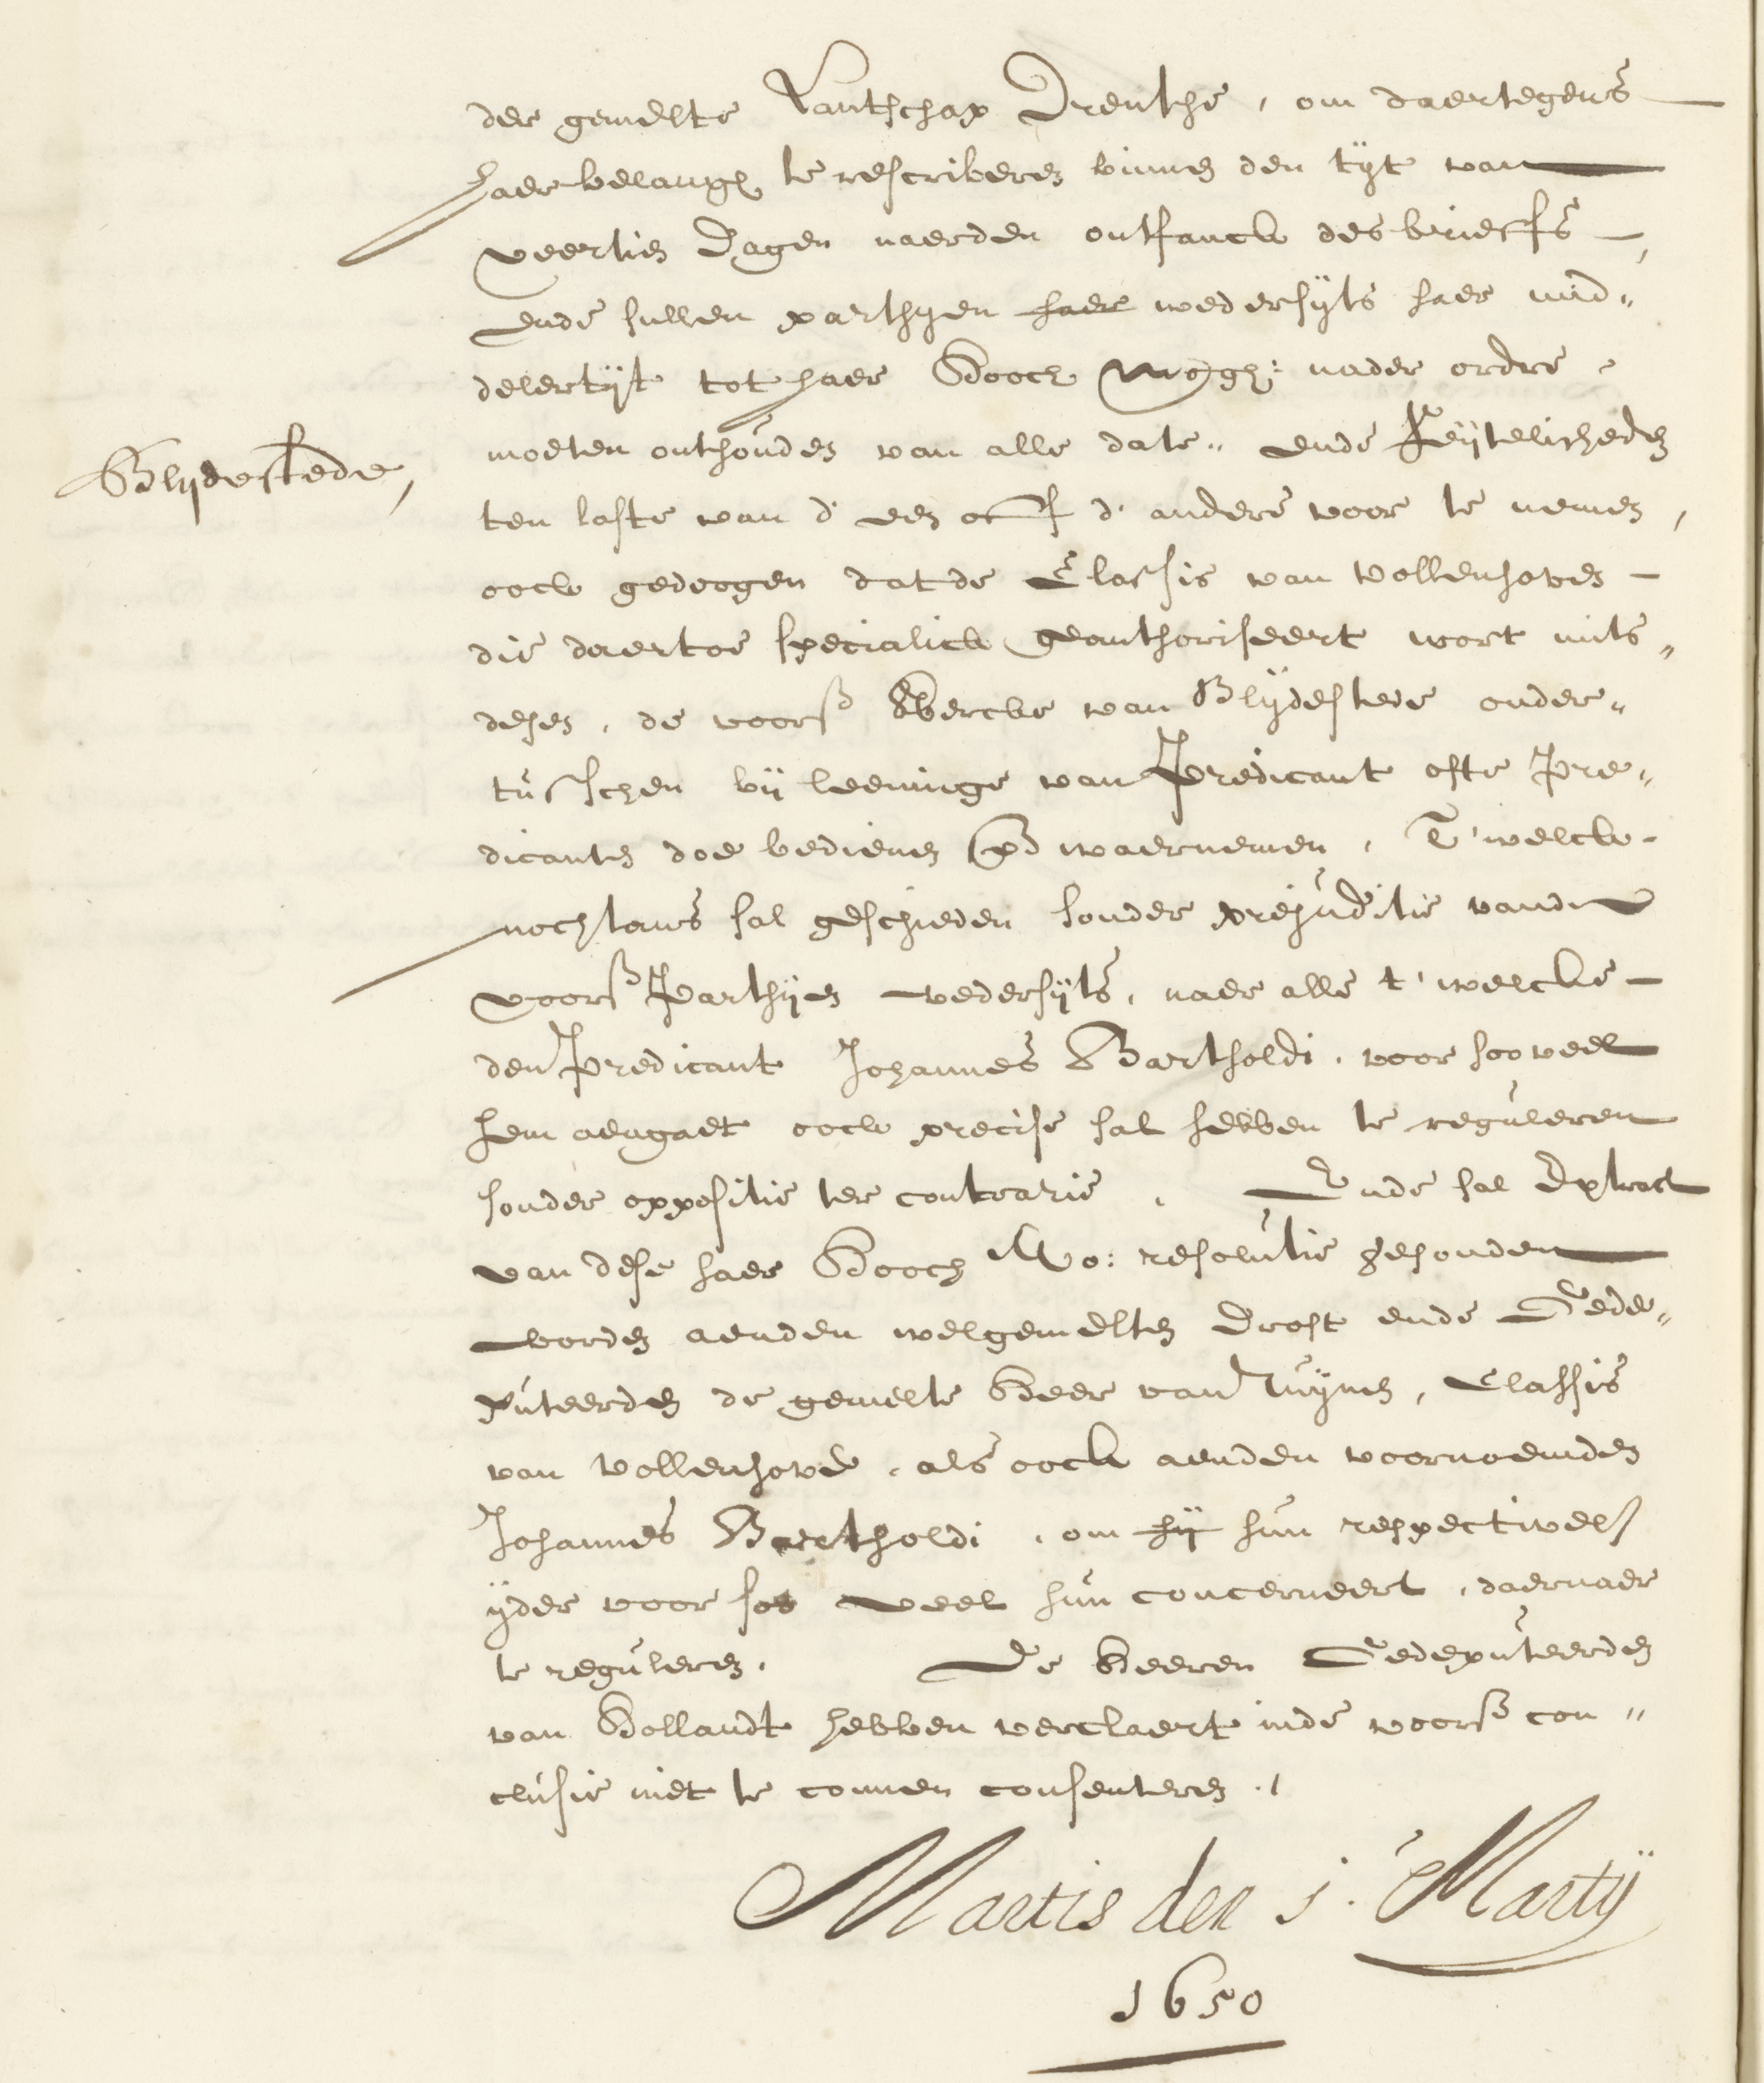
Blijdestede
der gemelte Lantschap Drenthe, om daertegens
haer belangh te rescriberen binnen den tijt van
veertien Dagen naerden ontfanck des brieffs —,
ende sullen parthyen haer wedersijts haer mid„
delertijt tot haer Hooch Mogh: nader ordre
moeten onthouden van alle date, ende Feijtelicheden
ten laste van d‛een off d‛andere voor te nemen,
oock gedoogen dat de Classis van vollenhoven
die daertoe specialick geauthoriseert wort mits„
deses, de voors Wercke van Blijdestede onder„
tusschen bij leeninge van Predicant ofte Pre„
dicanten doe bedienen & waernemen, T‛welck
nochtans sal geschieden sonder prejuditie vande
voors Parthijen, wedersijts, naer alle t' welcke—
den Predicant Johannes Bartholdi, voor soo veel
hem aengaet, oock precise sal hebben te reguleren
sonder oppositie ter contrarie. Ende sal Extract
van dese haer Hooch Mo: resolutie gesonden
worden aenden welgemelten Drost ende Gede,,
puteerden de gemelte Heer van Nuijnen, Classis
van vollenhove, als oock aenden voornoemden
Johannes Bartholdi, om hij hun respectivel
ijder voor soe veel hun concerneert, daernaer
te reguleren. De heeren Gedeputeerden
van Hollandt hebben verclaert inde voors con„
clusie niet te connen consenteren.
Martis den 1. Martij
1650
